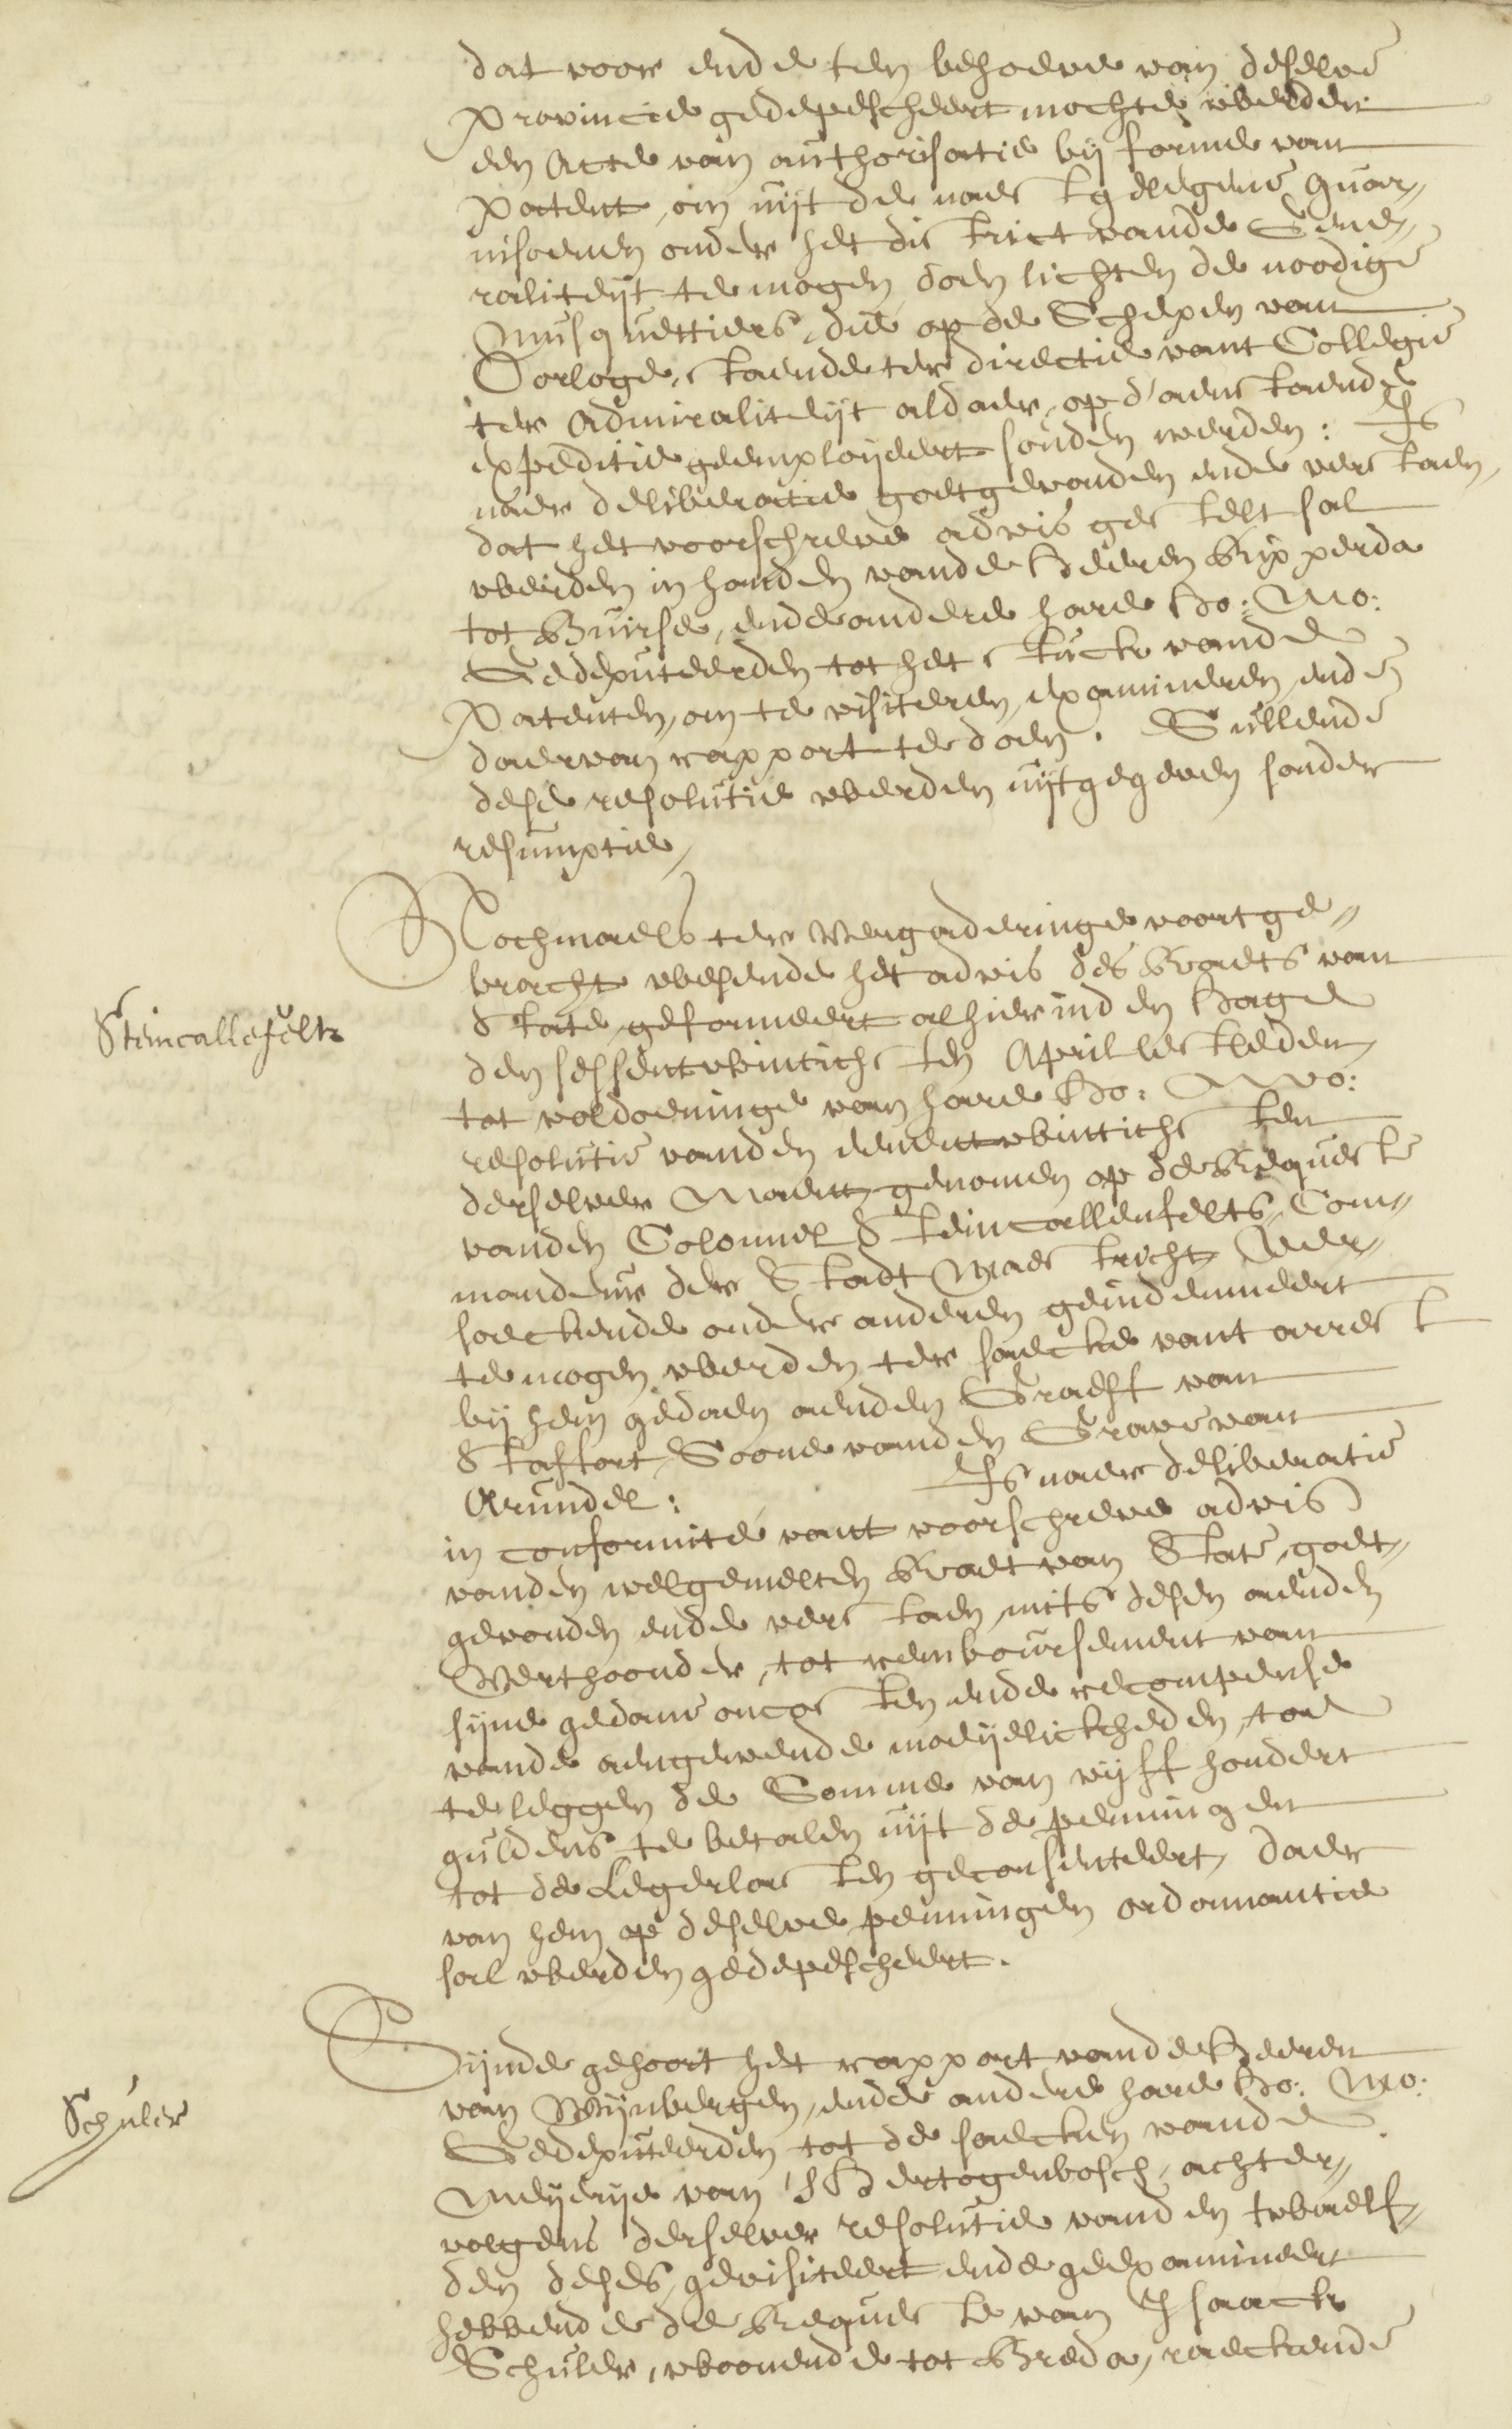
dat voor ende ten behoeve van deselve
Provincie gedepescheert mochte werden
een Acte van authorisatie bij forme van
Patent, om uijt de naestgelegene guar„
nisoenen onder het district vande Gene„
raliteijt te mogen doen lichten de noodige
Musquettiers, die opde Schepen van
Oorloge, staende ter directie vant Collegie
ter Admiraliteijt aldaer, op d'aenstaende
expeditie geemploijeert souden werden: Is
naer deliberatie goetgevonden ende verstaen,
dat het voorschreve advis gestelt sal
werden in handen vande Heeren Ripperda
tot Buirse, ende andere hare Ho:Mo:
Gedeputeerden tot het stuck vande
Patenten, om te visiteren, examineren, ende
daervan rapport te doen. Sullende
dese resolutie werden uijtgegeven sonder
resumptie.
Steincallefeltz
Nochmaels ter Vergaderinge voortge„
bracht wesende het advis des Raets van
State, geformeert alhier inden Hage
den sessentwintichsten April lestleden,
tot voldoeninge van hare Ho:Mo:
resolutie vanden eenentwintichsten
derselver Maent, genomen op de Requeste
vanden Colonnel Steincallenfelts, Com„
mandeur der Stadt Maestricht, Ver„
soeckende onder anderen geindemneert
te mogen werden ter saecke vant arrest
bij hem gedaen aenden Graeff van
Staffort, Soone vanden Grave van
Arundel: Is naer deliberatie
in conformité vant voorschreve advis
vanden welgemelten Raet van State, goet„
gevonden ende verstaen, mits desen aenden
Verthoonder, tot remboursement van
sijne gedane oncosten ende recompense
vande aengewende moeijelickheden, toe
te leggen de Somme van vijff hondert
guldens te betalen uijt de penningen
tot de Legerlasten geconsenteert, daer
van hem op deselve penningen ordonnantie
sal werden gedepescheert.
Schuler
Sijnde gehoort het rapport vande Heeren
van Wijnbergen, ende andere hare Ho:Mo:
Gedeputeerden tot de saecken vande
Meijerije van ‛s Hertogenbosch, achter„
volgens derselver resolutie vanden twaelf„
den deses, gevisiteert ende geexamineert
hebbende de Requeste van Isaack
Schuler, woonende tot Breda, raeckende
